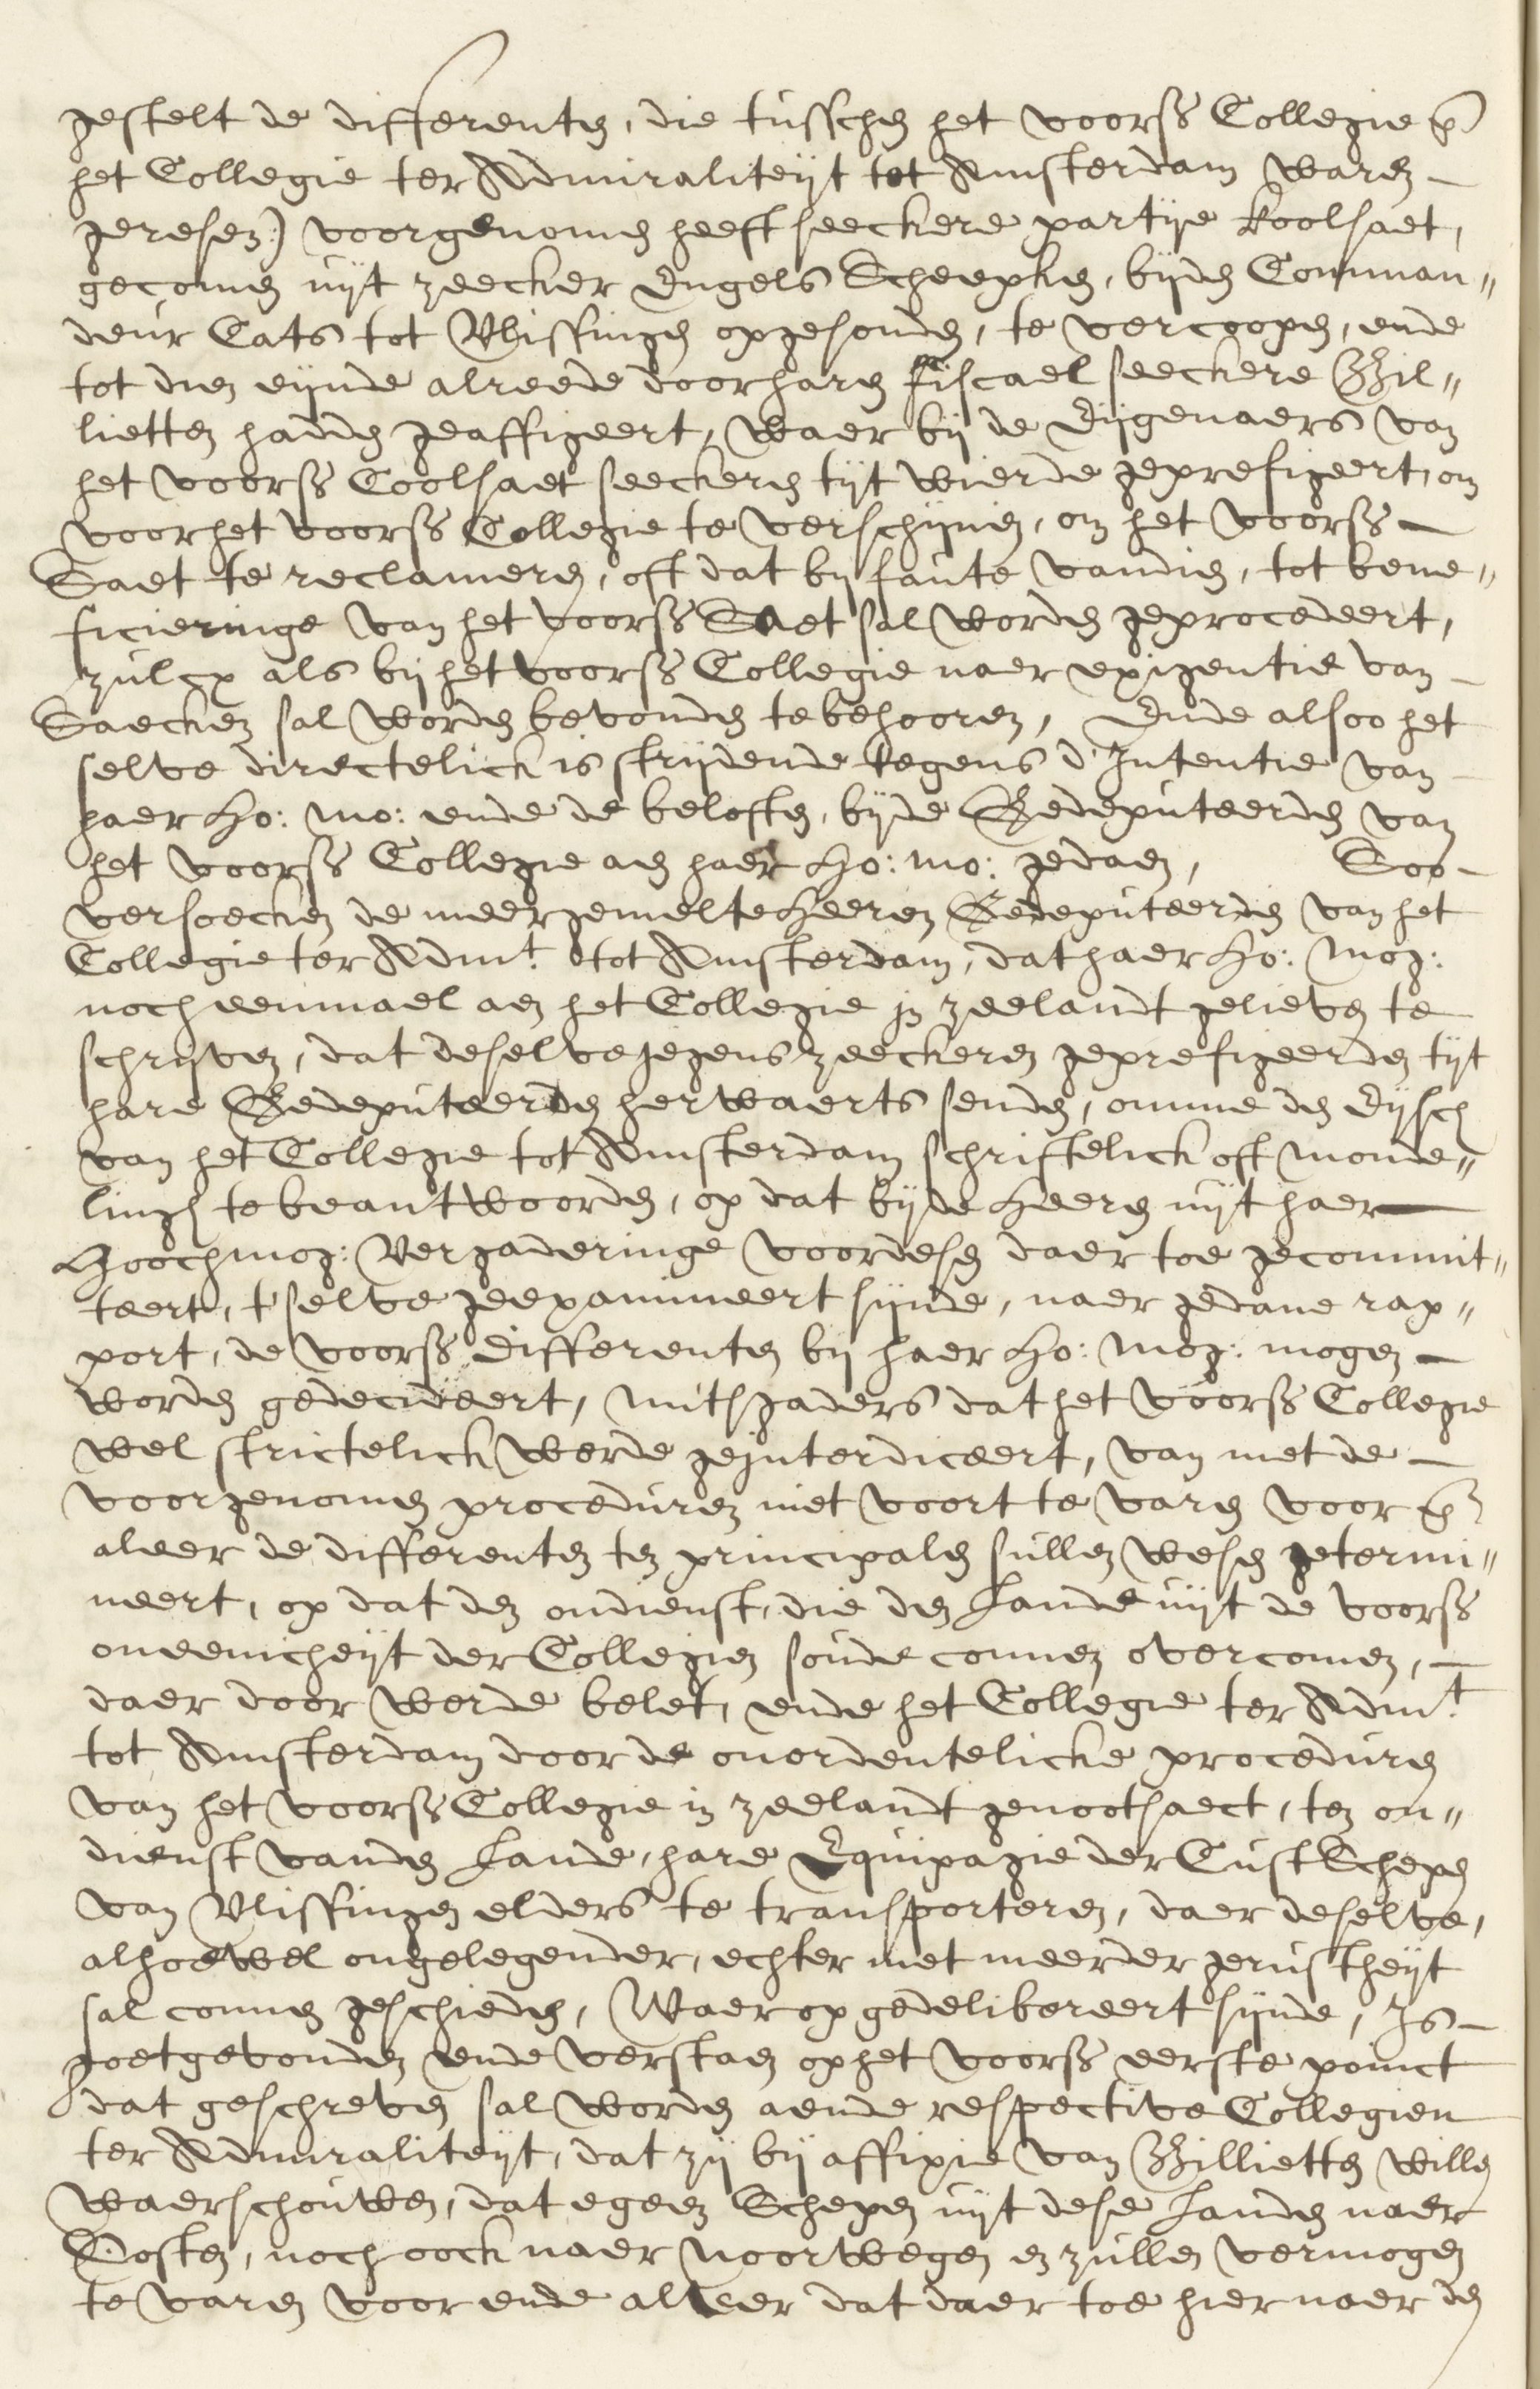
gestelt de differenten, die tusschen het voorss. Collegie &
het Collegie ter Admiraliteijt tot Amsterdam waren -
geresen:) voorgenomen heeft seeckere partije Koolsaet,
gecomen uijt zeecker Engels Scheepken, bijden Comman„
deur Cats tot Vlissingen opgesonden, te vercoopen, ende
tot dien eijnde alreede door haren fiscael seeckere Bil„
lietten hadden geaffigeert, waer bij de Eijgenaers van
het voorss. Coolsaet seeckeren tijt wierde geprefigeert, om
voor het voorss. Collegie te verschijnen, om het voorss.—
Saet te reclameren, oft dat bij faute vandien, tot bene„
ficieringe van het voorss. Saet sal worden geprocedeert,
zulcx als bij het voorss. Collegie naer exigentie van
Saecken sal worden bevonden te behooren, Ende alsoo het
selve directelick is strijdende tegens d‛ Intentie van
haer Ho:Mo: ende de beloften, bijde Gedeputeerden van
het voorss. Collegie aen haer Ho:Mo: gedaen, Soo
versoecken de meergemelte Heeren Gedeputeerden van het
Collegie ter Admt. tot Amsterdam, dat haer Ho:Mog:
noch eenmael aen het Collegie in zeelandt gelieven te
schrijven, dat deselve jegens zeeckeren geprefigeerden tijt
hare Gedeputeerden herwaerts senden, omme den Eijsch
van het Collegie tot Amsterdam schriftelick oft monde„
lingh te beantwoorden, op dat bijde Heeren uijt haer
Hoochmog: Vergaderinge voordesen daer toe gecommit„
teert, t‛selve geexamineert sijnde, naer gedane rap„
port, de voorss. differenten bij haer Ho:Mo: mogen —
worden gedecideert, mitsgaders dat het voorss. Collegie
wel strictelick werde geinterdiceert, van met de —
voorgenomen proceduren niet voort te varen voor &
aleer de differenten ten principalen sullen wesen getermi„
neert, op dat den ondienst, die den Lande uijt de voorss.
oneenicheijt der Collegien soude connen overcomen,—
daer door werde belet, ende het Collegie ter Admt.
tot Amsterdam door de onordentelicke proceduren
van het voorss. Collegie in zeelandt genootsaect, ten on„
dienst vanden Lande, hare Equipagie der CustSchepen
van Vlissingen elders te transporteren, daer deselve,
alhoewel ongelegender, echter met meerder gerustheijt
sal connen geschieden. Waerop gedelibereert sijnde, Is —
goetgevonden ende verstaen op het voorss. eerste poinct
dat geschreven sal worden aende respective Collegien
ter Admiraliteijt, dat zij bij affixie van Billietten willen
waerschouwen, dat egeen Schepen uijt dese Landen naer
Oosten, noch oock naer Noorwegen en zullen vermogen
te varen voor ende alleer dat daer toe hier naer den
